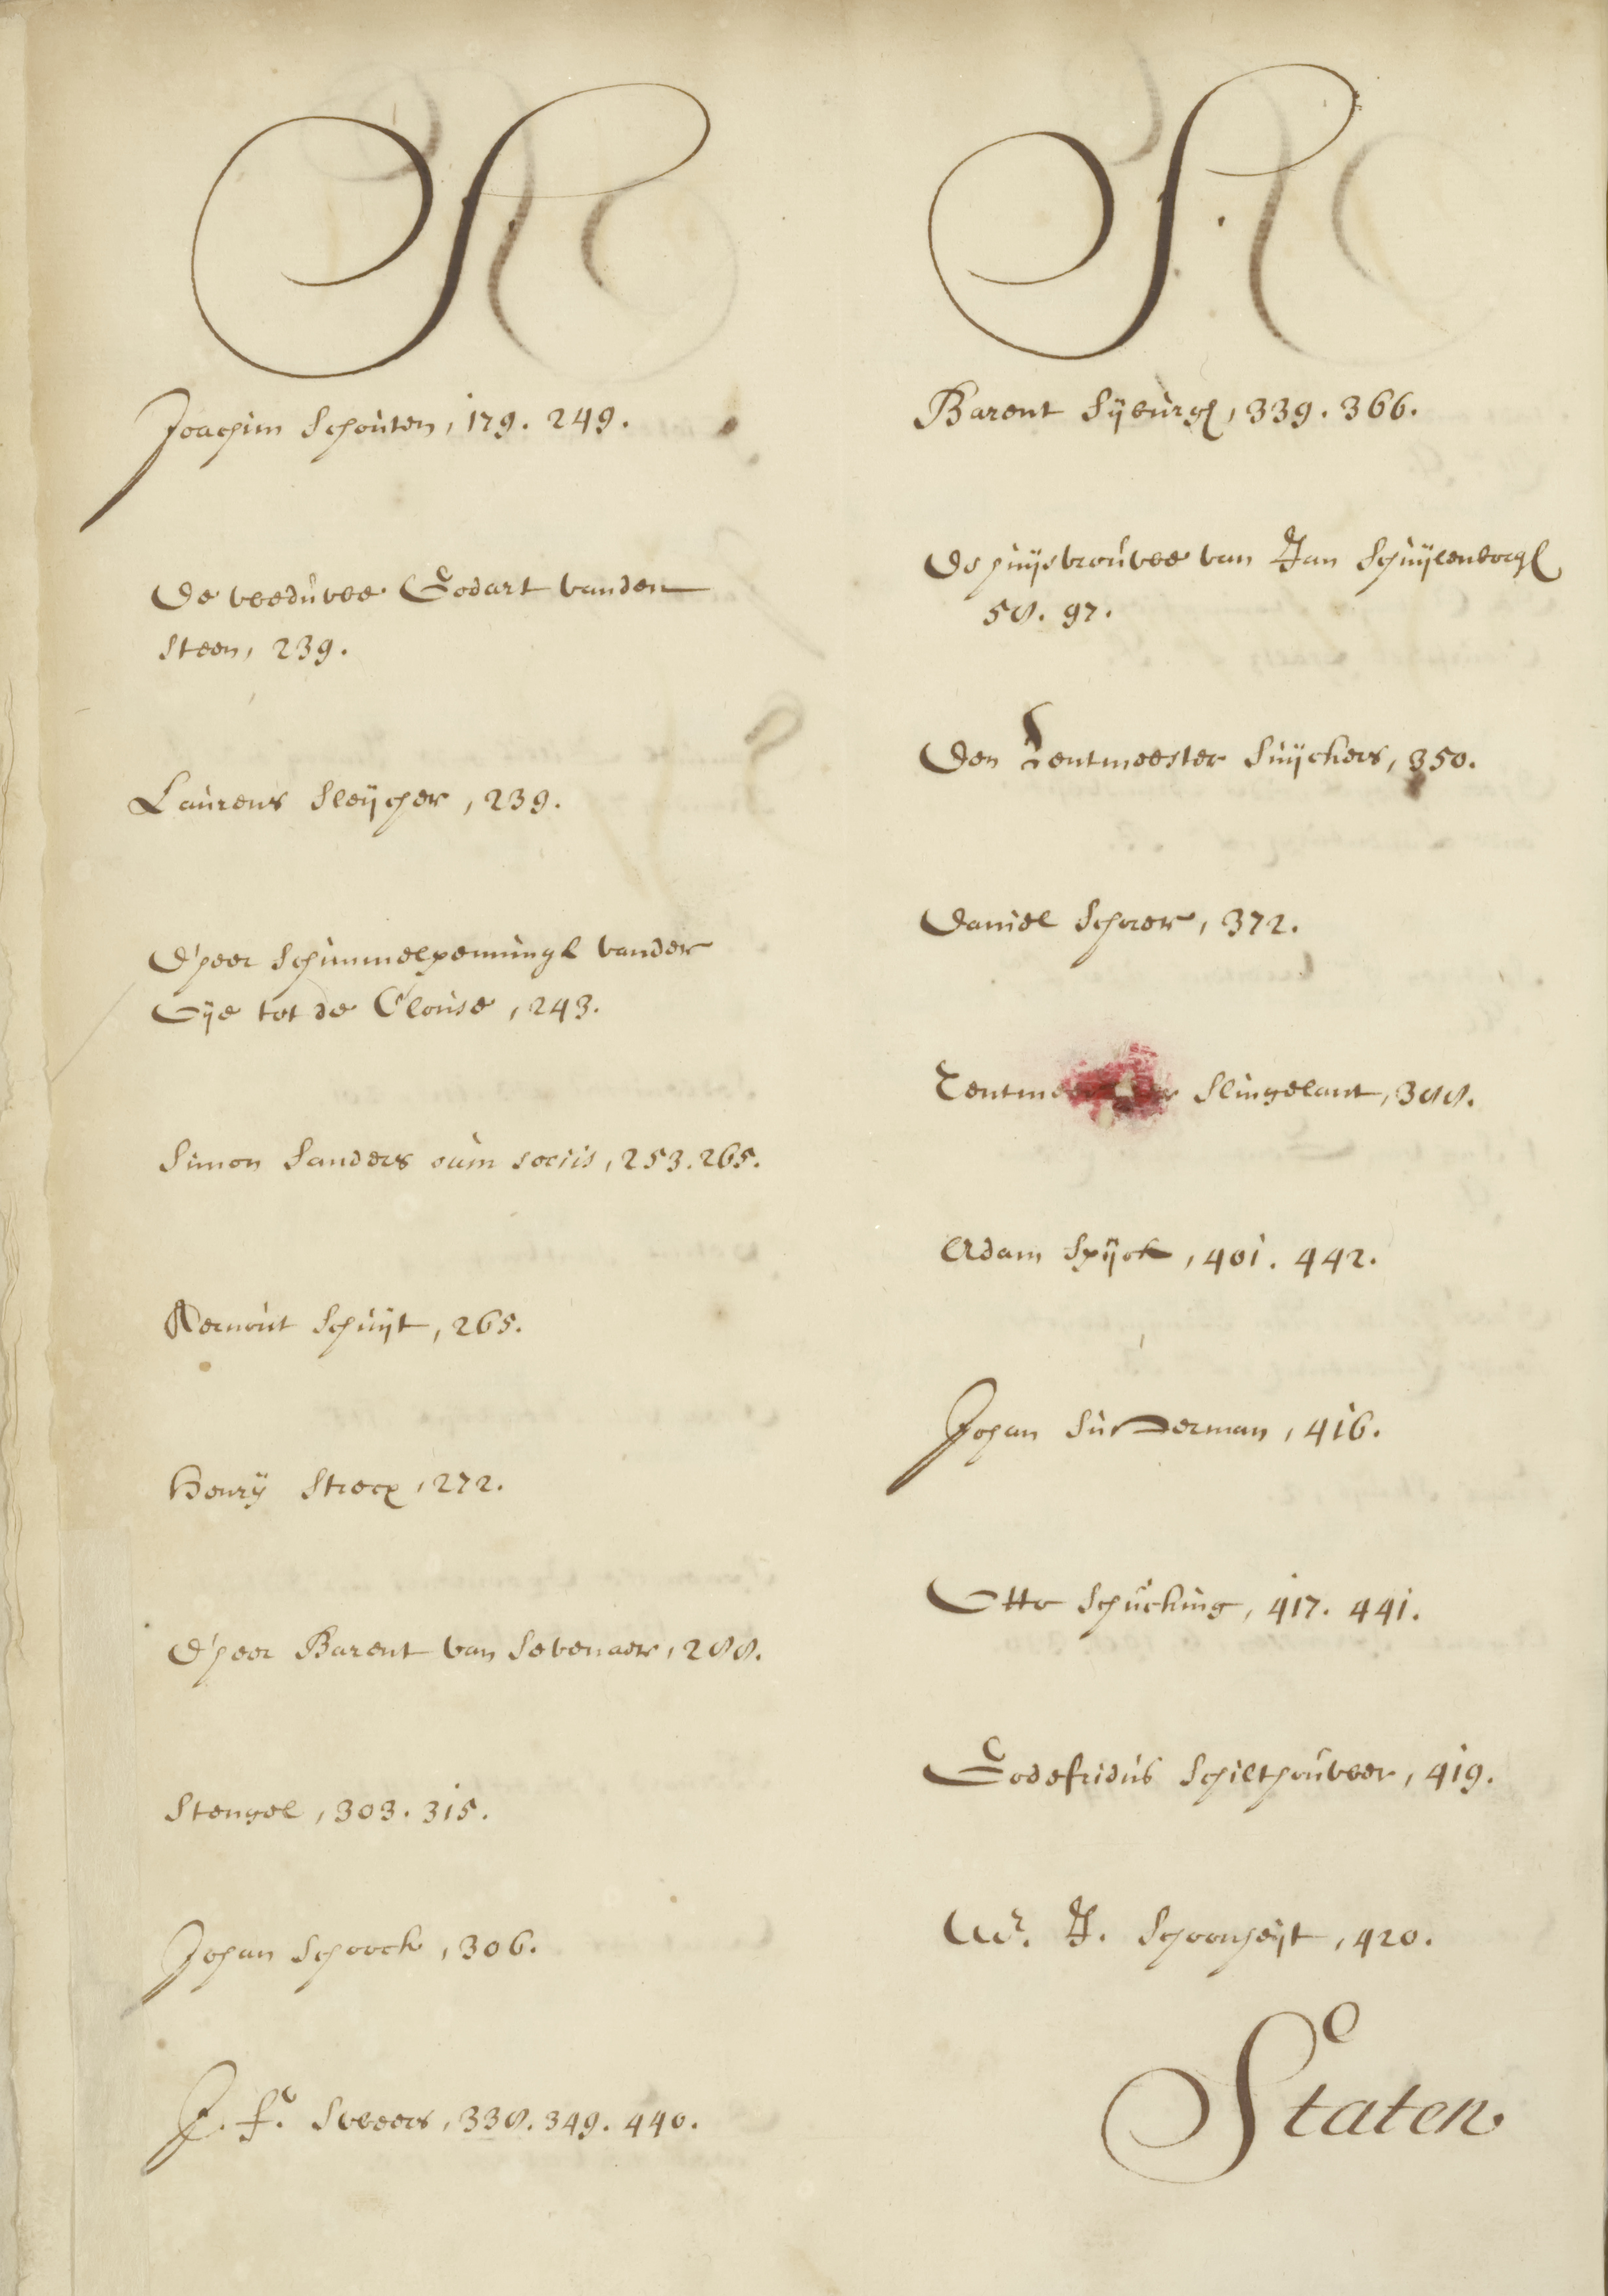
S
Joachim Schouten, 179, 249.
De weduwe Godart vanden
Steen, 239.
Laurens Sleijcher, 239.
D'heer Schimmelpenningk vander
Oije tot de Clouse, 243.
Simon Sanders sum sociis, 253, 265.
Aernout Schuijt, 265.
Henrij Strecx, 272.
D'heer Barent van Sevenaer, 288.
Stengel, 303, 315.
Johan Schoock, 306.
J.f. Sweers, 338, 349, 440.
S
Barent Sijburgh, 339, 366.
De huijsvrouwe van Jan Schuijlenborgh
58, 97.
Den rentmeester Suijckers, 350:
Daniel Schorer, 372.
rentmr. Slingelant, 388.
Adam Spijck, 401, 442.
Johan Susterman, 416.
Otte Schucking, 417, 441.
Godefridus Schilthouwer, 419
Mr. J. Schoonheijt, 420.
Staten
